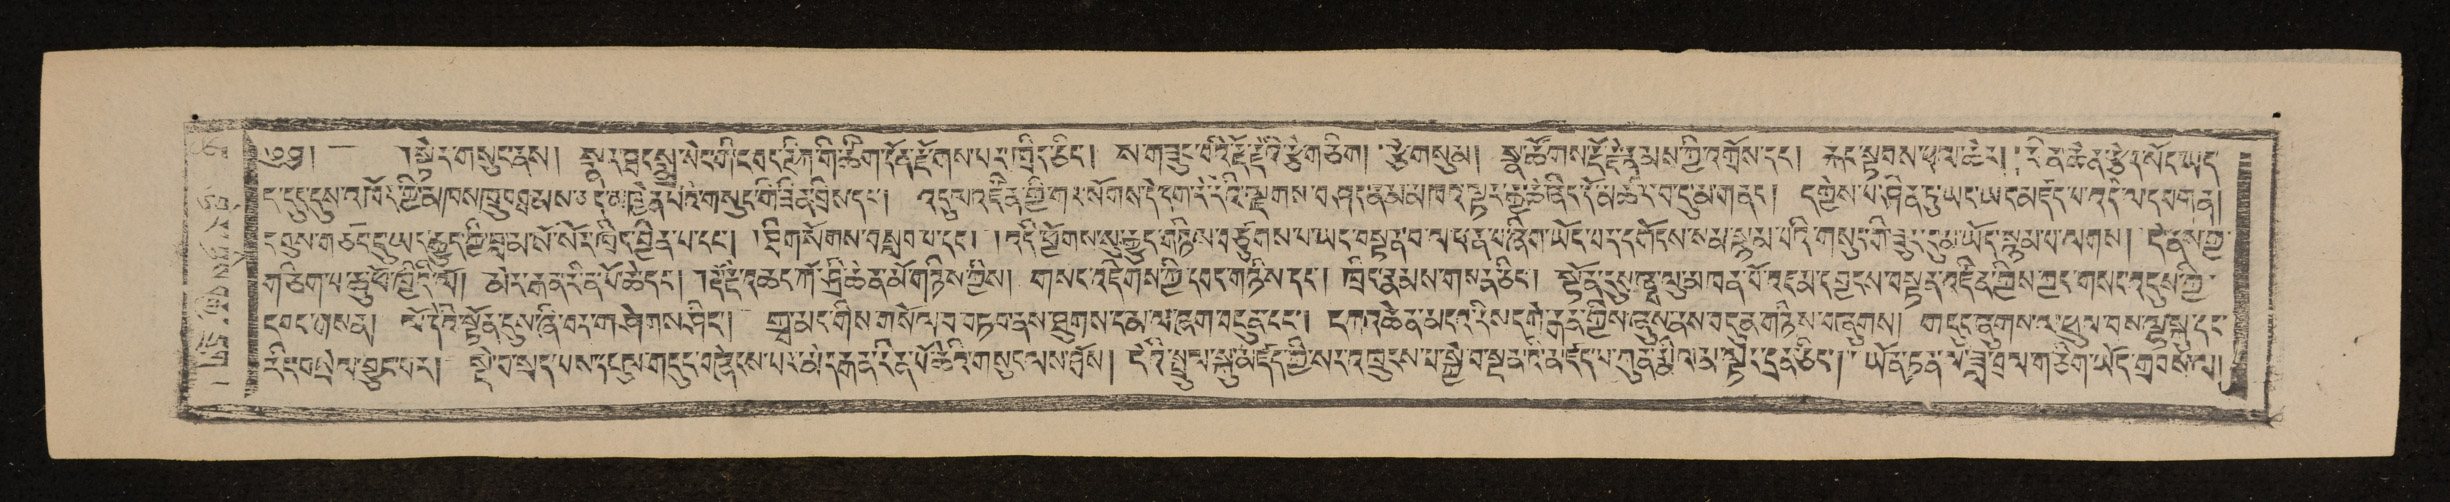༄༅། །སྟེར་གསུང་ནས། སྣར་ཐང་སྨྲ་སེང་གི་དབང་ཊིཀ་གི་ཚིག་དོན་རྫོགས་ཐར་ཁྲིད་ཅིང་། ས་གཟུང་བའི་རྡོ་རྗེའི་རྩེ་གཅིག། རྩེ་གསུམ། སྣ་ཚོགས་རྡོ་རྗེ་རྣམས་ཀྱི་འགྲོས་དང་། རྐང་སྟབས་ཕལ་ཆེར། རིན་ཆེན་རྩེར་སོང་ཡང་
ད་དུང་དུས་འཁོར་གྱི་མཁས་གྲུབ་ཐམས་ཅད་མཁྱེན་པའི་གསུང་གི་ཟིན་བྲིས་དང་། འདུལ་འཛིན་གྱི་གར་སོགས་དེ་དག་རེ་རེའི་ལྗགས་བཤད་ན་མ་མཁའ་ལྟར་རྒྱ་ཆེ་ཞིང་ངོ་མཚར་བ་དུ་མ་གནང་། དགྱེས་པ་ཤིན་ཏུ་ཡང་ཡང་མཛད་པ་འདི་ལ་དཔག་ན།
དབུས་གཙང་དུ་ཡང་རྒྱུད་ཀྱི་བླ་མ་སོ་སོར་ཁྲིད་བྱིན་པ་དང་། ཐིག་སོགས་བ་སྤབ་པ་དང་། འདི་ཕྱོགས་སུ་རྒྱུད་གཉིས་བཙུགས་པ་ཡང་བསྟན་པ་ལ་ཕན་པ་ཞིག་ཡོང་བར་དགོངས་སམ་སྙམ་བའི་གསུང་གི་ཟུར་དུ་མ་ཡོད་སྙམ་པ་ལགས། དེ་ནས་གྱ་
གཅིག་པ་ཆུ་ཕོ་ཁྱིའི་ལོ། མེར་རྒན་རིན་པོ་ཆེ་དང་། རྡོ་རྗེ་འཆང་ཀོ་ཤྲི་ཆེན་མོ་གཉིས་ཀྱིས། གསང་འཇིགས་ཀྱི་དབང་གཉིས་དང་། ཁྲིད་རྣམས་གསན་ཅིང་། སྟོན་དུས་ཞྭ་ལུ་མཁན་པོ་འཇམ་དབྱངས་བསྟན་འཛིན་གྱིས་ཀྱང་གསང་འདུས་ཀྱི་
དབང་གསན། ལོ་དེའི་སྟོན་དུས་ཞི་བར་གཤེགས་ཤིང་། གྲྭ་མང་གིས་གསོལ་བ་བཏབ་ནས་ཐུགས་དམ་ལ་ཞག་བདུན་དང་། དཀའ་ཆེན་མངའ་རིས་དགེ་རྒན་གྱིས་ཞུས་ནས་བདུན་གཉིས་བཞུགས། གདུང་ཞུགས་ལ་ཕུལ་བས་ལྷ་སྐུ་དང་
རིང་བསྲེལ་བྱུང་བར། སྡེབ་སྲད་པས་དངུལ་གདུང་བཞེངས་པར་མེར་ནན་རིན་པོ་ཆེའི་གསུང་ལས་ཐོས། དེའི་སྤྲུལ་སྐུ་མཛད་ཀྱི་སར་ལ་བྲུངས་པ་སྐྱེ་བ་སྔ་མའི་མཛད་པ་ཀུན་རྨི་ལམ་ལྟར་དྲན་ཅིང་། ཡོན་ཏན་ལ་ཟླ་བྲལ་གཅིག་ཡོང་གྲབས་ལ།